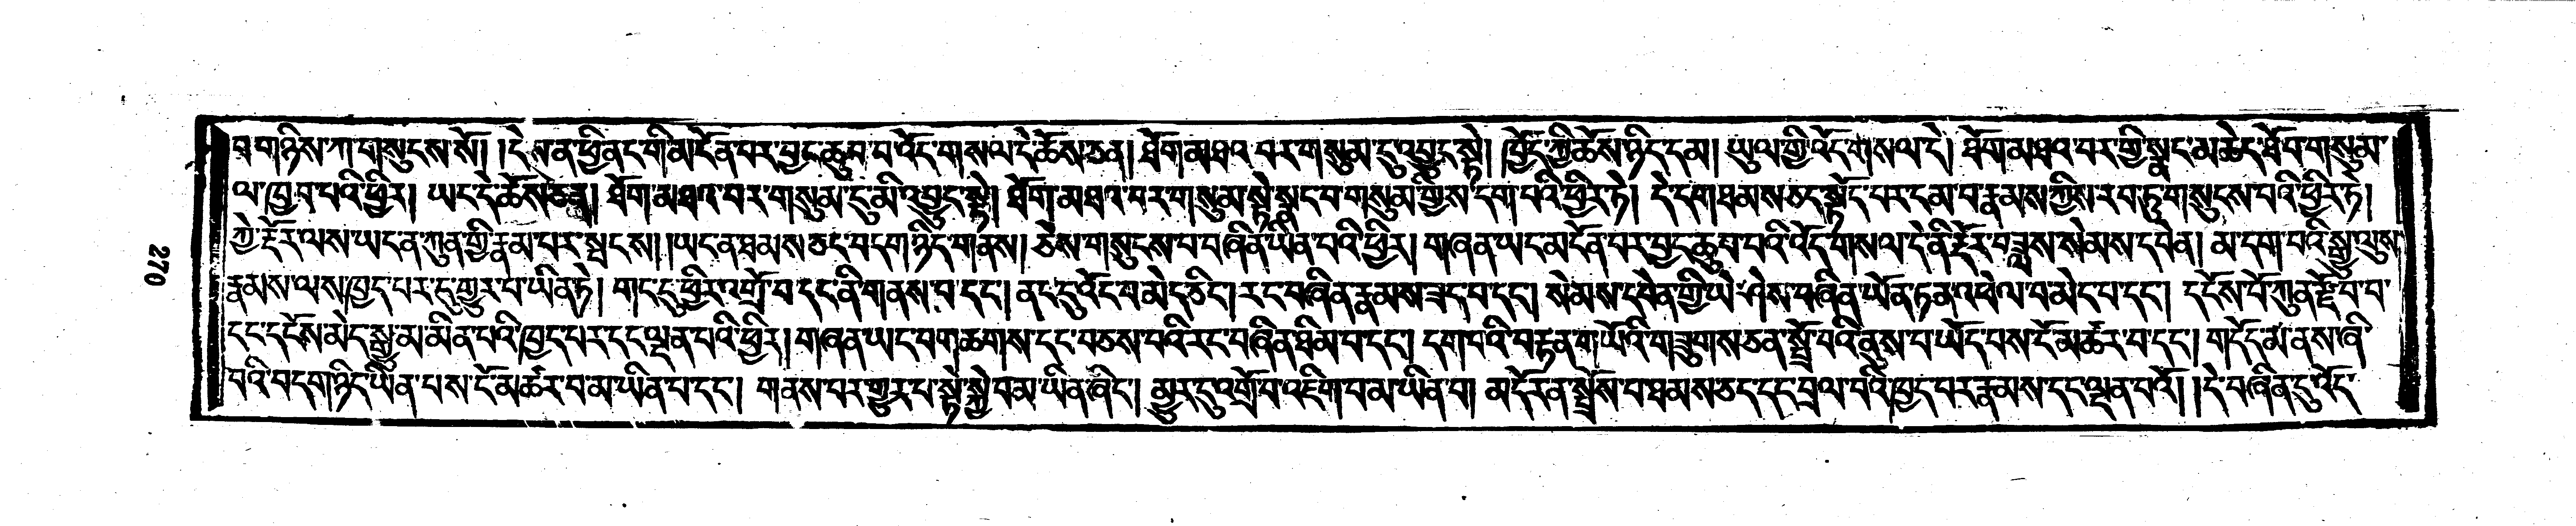བ་གཉིས་ཀ་གསུངས་སོ། །དེས་ན་ཕྱི་ནང་གི་མངོན་པར་བྱང་ཆུབ་པ་འོད་གསལ་དེ་ཆོས་ཅན། ཐོག་མཐའ་བར་གསུམ་དུ་འབྱུང་སྟེ། ཁྱོད་ཀྱི་ཆོས་ཉིད་དམ། ཡུལ་གྱི་འོད་གསལ་དེ། ཐོག་མཐའ་བར་གྱི་སྣང་མཆེད་ཐོབ་གསུམ་
ལ་ཁྱབ་པའི་ཕྱིར། ཡང་དེ་ཆོས་ཅན། ཐོག་མཐའ་བར་གསུམ་དུ་མི་འབྱུང་སྟེ། ཐོག་མཐའ་བར་གསུམ་སྟེ་སྣང་བ་གསུམ་གྱིས་དག་པའི་ཕྱིར་ཏེ། དེ་དག་ཐམས་ཅད་སྟོང་པར་དམ་པ་རྣམས་ཀྱིས་རབ་ཏུ་གསུངས་པའི་ཕྱིར་ཏེ།
ཀྱེ་རྡོར་ལས། ཡང་ན་ཀུན་གྱི་རྣམ་པར་སྤངས། །ཡང་ན་ཐམས་ཅད་བདག་ཉིད་གནས། ཅེས་གསུངས་པ་བཞིན་ཡིན་པའི་ཕྱིར། གཞན་ཡང་མངོན་པར་བྱང་ཆུབ་པའི་འོད་གསལ་དེ་ནི་རྡོར་བཟླས་སེམས་དབེན། མ་དག་པའི་སྒྱུ་ལུས་
རྣམས་ལས་ཁྱད་པར་དུ་གྱུར་པ་ཡིན་ཏེ། གང་དུ་ཕྱིར་འགྲོ་བ་དང་ནི་གནས་པ་དང་། ནང་དུ་འོང་བ་མེད་ཅིང་། རང་བཞིན་རྣམས་ཟད་པ་དང་། སེམས་དབེན་གྱི་ཡེ་ཤེས་བཞིན་ཡོན་ཏན་འཕེལ་བ་མེད་པ་དང་། དངོས་པོ་ཀུན་རྫོབ་པ་
དང་དངོས་མེད་སྒྱུ་མ་མིན་པའི་ཁྱད་པར་དང་ལྡན་པའི་ཕྱིར། གཞན་ཡང་བག་ཆགས་དང་བཅས་པའི་རང་བཞིན་ཐིམ་པ་དང་། དག་པའི་བརྟན་གཡོའི་གཟུགས་ཅན་སྤྲོ་བའི་ནུས་པ་ཡོད་པས་ངོ་མཚར་བ་དང་། གདོད་མ་ནས་ཞི་
བའི་བདག་ཉིད་ཡིན་པས་ངོ་མཚར་བ་མ་ཡིན་པ་དང་། གནས་པར་གྱུར་པ་སྟེ་སྐྱེ་བ་མ་ཡིན་ཞིང་། མྱུར་དུ་འཕྲོ་བ་འཇིག་པ་མ་ཡིན་པ། མདོར་ན་སྤྲོས་པ་ཐམས་ཅད་དང་བྲལ་བའི་ཁྱད་པར་རྣམས་དང་ལྡན་པའོ། །དེ་བཞིན་དུ་འོད་